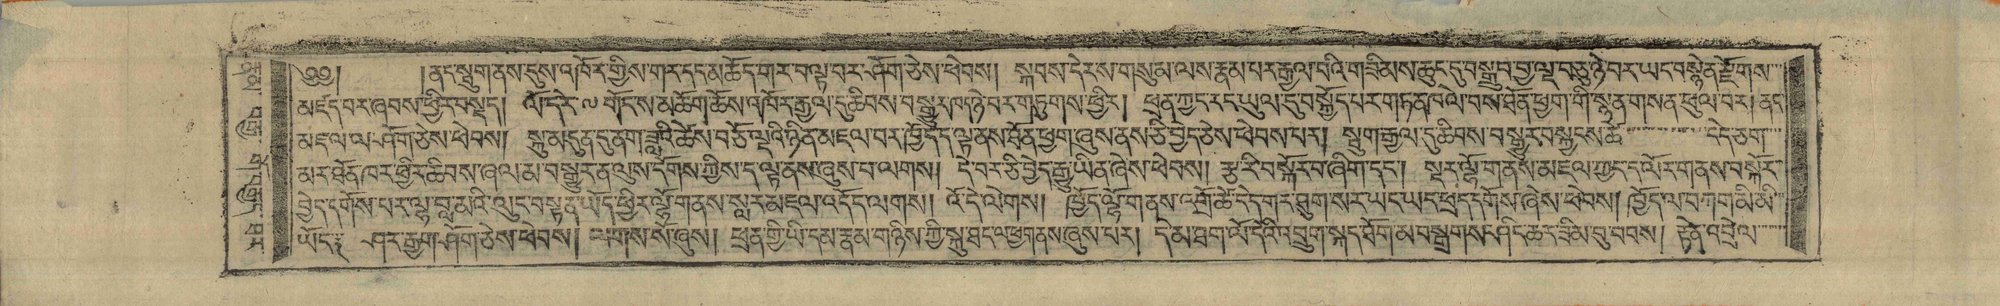༄༅། །ནང་སྦུག་ནས་དུས་འཁོར་གྱིས་གར་དང་མཆོད་གར་བལྟ་བར་ཤོག་ཅེས་ཕེབས། སྐབས་དེར་ས་གསུམ་ལས་རྣམ་པར་རྒྱལ་བའི་གཟིམས་ཆུང་དུ་བསྒྲུབ་བྱ་ལྔ་བཅུ་ཉེ་བར་ཡང་བསྙེན་རྫོགས་
མཛད་པར་ཞབས་ཕྱིར་བསྡད། ལོ་དེར་༧་གོང་ས་མཆོག་ཆོས་འཁོར་རྒྱལ་དུ་ཆིབས་བསྒྱུར་ཁད་ཉེ་བར་གཏུགས་ཕྱིར། ཕྲན་ཀྱང་རང་ཡུལ་དུ་བསྐྱོད་པར་གཏན་ཁེལ་བས་ཐོན་ཕྱག་གི་སྙན་གསན་ཕུལ་བར། ནང་
མཇལ་ལ་ཤོག་ཅེས་ཕེབས། སྐུ་མདུན་དུ་ནག་ཟླའི་ཚེས་བཅོ་ལྔའི་ཉིན་མཇལ་བར་ཁྱོད་ད་ལྟ་ནས་ཐོན་ཕྱག་ཞུས་ནས་ཅི་བྱེད་ཅེས་ཕེབས་པར། སྦུག་རྒྱལ་དུ་ཆིབས་བསྒྱུར་བསྐྱངས་ཚེ་ངེད་ཅག་
མར་ཐོན་ཁར་ཕྱིར་ཆིབས་ཞལ་མ་བསྒྱུར་ན་ལུས་དོགས་ཀྱིས་ད་ལྟ་ནས་ཞུས་པ་ལགས། དེ་བར་ཅི་བྱེད་རྒྱུ་ཡིན་ཞེས་ཕེབས། རྩ་རི་བསྐོར་བ་ཞིག་དང་། སྔར་ལྷོ་གནས་མཇལ་ཀྱང་ད་ལོར་གནས་བསྐོར་
བྱེད་དགོས་པར་ལྷ་བླ་མའི་ལུང་བསྟན་ཡོད་ཕྱིར་ལྷོ་གནས་སླར་མཇལ་འདོད་ལགས། འོ་དེ་ལེགས། ཁྱོད་ལྷོ་གནས་འགྲོ་ཚེ་ངེད་གར་ཐུག་སར་ཡང་ཡང་ཕྲད་དགོས་ཞེས་ཕེབས། ཁྱོད་ལ་བཀག་མི་མི་
ཡོང༑ ཤར་རྒྱག་ཤོག་ཅེས་ཕེབས། ལགས་སོ་ཞུས། ཕྲན་གྱི་ཡི་དམ་རྣམ་གཉིས་ཀྱི་སྐུ་ཐང་ལ་ཕྱག་ནས་ཞུས་པར། དེ་མ་ཐག་ལོ་དེའི་འབྲུག་སྐད་ཐོག་མ་བསྒྲགས་ཤིང་ཆར་ཟིམ་བུ་བབས། རྟེན་འབྲེལ་